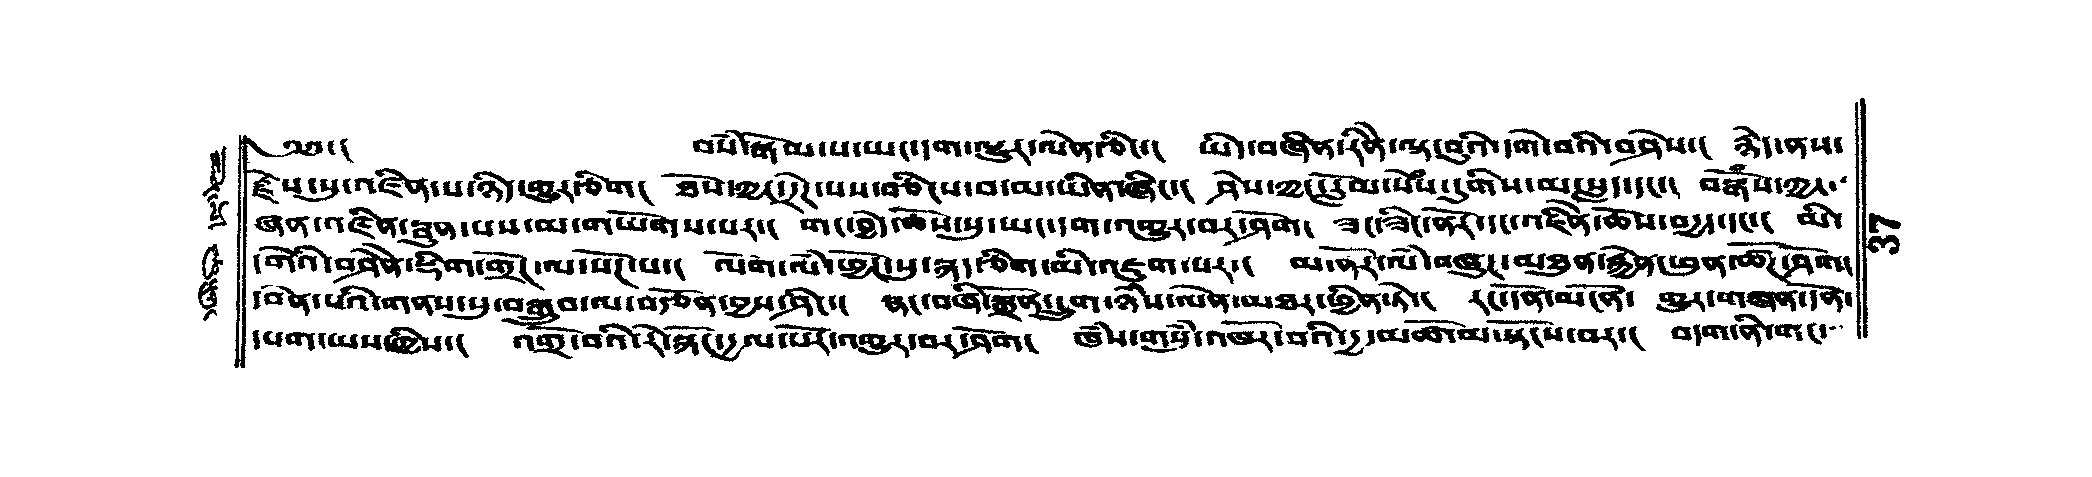བསམ་སྒོམ་པ་ཡང་དག་ལྷུར་ལེན་ཅིང་། །ཡིད་བཞིན་རིན་ཆེན་ལྟ་བུའི་དགེ་བའི་བཤེས། །རྙེད་ནས་
རྗེས་སུ་འཛིན་པ་ཉིད་གྱུར་ཅིག ཐོས་ཀྱང་དྲེགས་པས་བཅིངས་བ་མ་ཡིན་ཞིང་། །ཤེས་ཀྱང་རློམ་སེམས་དུག་གིས་མ་སླད་དང་། །བསྒོམས་ཀྱང་
ཞན་འཛིན་སྤུན་པས་མ་གཡོགས་པར། །གང་བྱེད་ཆོས་སུ་ཡང་དག་འགྱུར་བར་ཤོག །ཟང་ཟིང་ནོར་དང་འཇིག་རྟེན་ཆོས་བརྒྱད་དང་། །མི་
དགེའི་བཤེས་གཉེན་སྡིག་གྲོགས་ལ་སོགས་པ། །ལོག་ལམ་ཕྱོགས་སུ་སྐད་ཅིག་མི་འཇུག་པར། །མ་ནོར་ལམ་བཞུགས་མཐུན་རྐྱེན་ཕུན་ཚོགས་ཤོག །
དབེན་པའི་གནས་སུ་བསྒྲུབ་ལ་བརྩོན་བྱས་ཤིང་། །སྣང་བཞི་སྒྲོན་དྲུག་ཉམས་ལེན་མཐར་ཕྱིན་ཏེ། །རང་དོན་མངོན་གྱུར་གཞན་དོན་
དཔག་ཡས་ཀྱིས། །འགྲོ་བའི་རེ་སྐོང་རྒྱལ་པོར་འགྱུར་བར་ཤོག །ཁམས་གསུམ་འཁོར་བའི་རྒྱ་མཚོ་མ་སྟོངས་བར། །བདག་ནི་གང་